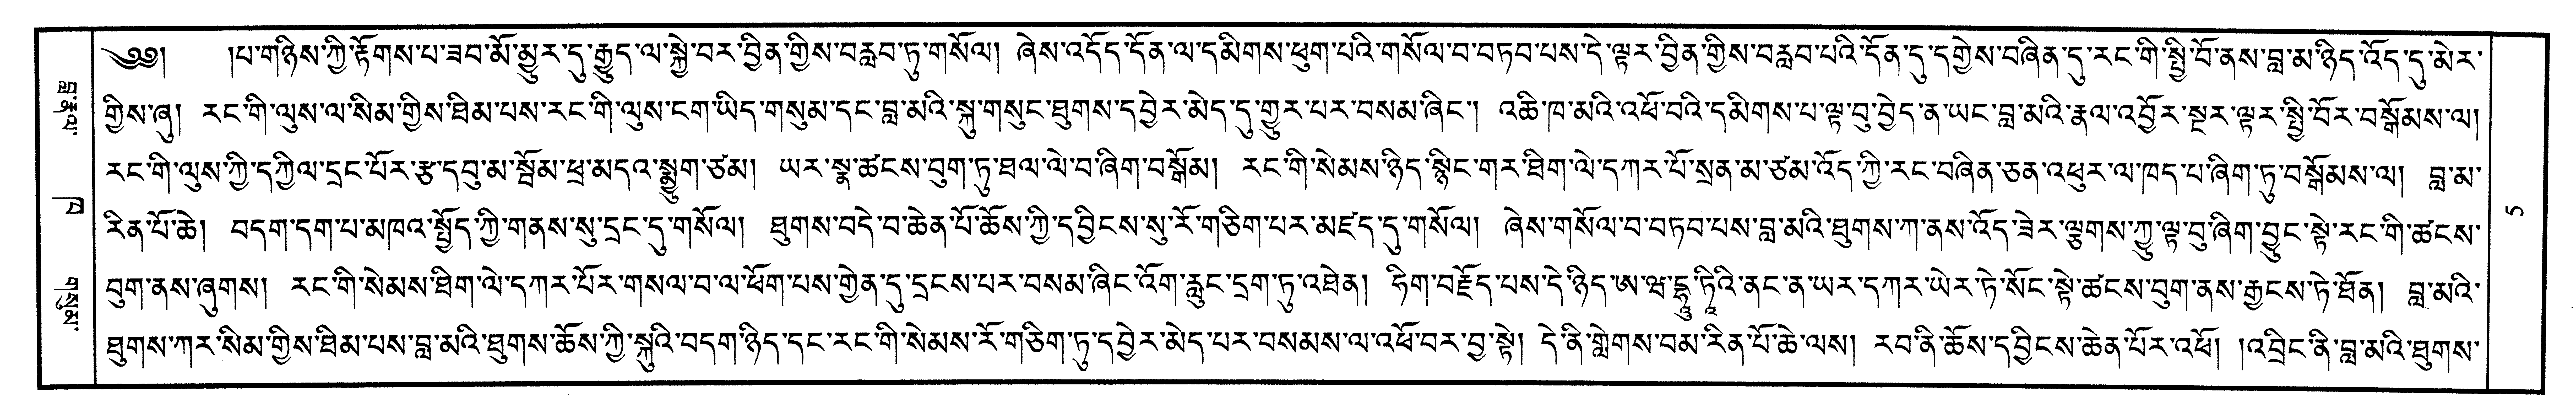༄༅། །པ་གཉིས་ཀྱི་རྟོགས་པ་ཟབ་མོ་མྱུར་དུ་རྒྱུད་ལ་སྐྱེ་བར་བྱིན་གྱིས་བརླབ་ཏུ་གསོལ། ཞེས་འདོད་དོན་ལ་དམིགས་ཕུག་པའི་གསོལ་བ་བཏབ་པས་དེ་ལྟར་བྱིན་གྱིས་བརླབ་པའི་དོན་དུ་དགྱེས་བཞིན་དུ་རང་གི་སྤྱི་བོ་ནས་བླ་མ་ཉིད་འོད་དུ་མེར་
གྱིས་ཞུ། རང་གི་ལུས་ལ་སིམ་གྱིས་ཐིམ་པས་རང་གི་ལུས་ངག་ཡིད་གསུམ་དང་བླ་མའི་སྐུ་གསུང་ཐུགས་དབྱེར་མེད་དུ་གྱུར་པར་བསམ་ཞིང་། འཆི་ཁ་མའི་འཕོ་བའི་དམིགས་པ་ལྟ་བུ་བྱེད་ན་ཡང་བླ་མའི་རྣལ་འབྱོར་སྔར་ལྟར་སྤྱི་བོར་བསྒོམས་ལ།
རང་གི་ལུས་ཀྱི་དཀྱིལ་དྲང་པོར་རྩ་དབུ་མ་སྦོམ་ཕྲ་མདའ་སྨྱུག་ཙམ། ཡར་སྣ་ཚངས་བུག་ཏུ་ཐལ་ལེ་བ་ཞིག་བསྒོམ། རང་གི་སེམས་ཉིད་སྙིང་གར་ཐིག་ལེ་དཀར་པོ་སྲན་མ་ཙམ་འོད་ཀྱི་རང་བཞིན་ཅན་འཕུར་ལ་ཁད་པ་ཞིག་ཏུ་བསྒོམས་ལ། བླ་མ་
རིན་པོ་ཆེ། བདག་དག་པ་མཁའ་སྤྱོད་ཀྱི་གནས་སུ་དྲང་དུ་གསོལ། ཐུགས་བདེ་བ་ཆེན་པོ་ཆོས་ཀྱི་དབྱིངས་སུ་རོ་གཅིག་པར་མཛད་དུ་གསོལ། ཞེས་གསོལ་བ་བཏབ་པས་བླ་མའི་ཐུགས་ཀ་ནས་འོད་ཟེར་ལྕགས་ཀྱུ་ལྟ་བུ་ཞིག་བྱུང་སྟེ་རང་གི་ཚངས་
བུག་ནས་ཞུགས། རང་གི་སེམས་ཐིག་ལེ་དཀར་པོར་གསལ་བ་ལ་ཕོག་པས་གྱེན་དུ་དྲངས་པར་བསམ་ཞིང་འོག་རླུང་དྲག་ཏུ་འཐེན། ཧིག་བརྗོད་པས་དེ་ཉིད་ཨ་ཝ་དྷཱུ་ཏཱིའི་ནང་ན་ཡར་དཀར་ཡེར་ཏེ་སོང་སྟེ་ཚངས་བུག་ནས་རྒྱངས་ཏེ་ཐོན། བླ་མའི་
ཐུགས་ཀར་སིམ་གྱིས་ཐིམ་པས་བླ་མའི་ཐུགས་ཆོས་ཀྱི་སྐུའི་བདག་ཉིད་དང་རང་གི་སེམས་རོ་གཅིག་ཏུ་དབྱེར་མེད་པར་བསམས་ལ་འཕོ་བར་བྱ་སྟེ། དེ་ནི་གླེགས་བམ་རིན་པོ་ཆེ་ལས། རབ་ནི་ཆོས་དབྱིངས་ཆེན་པོར་འཕོ། །འབྲིང་ནི་བླ་མའི་ཐུགས་